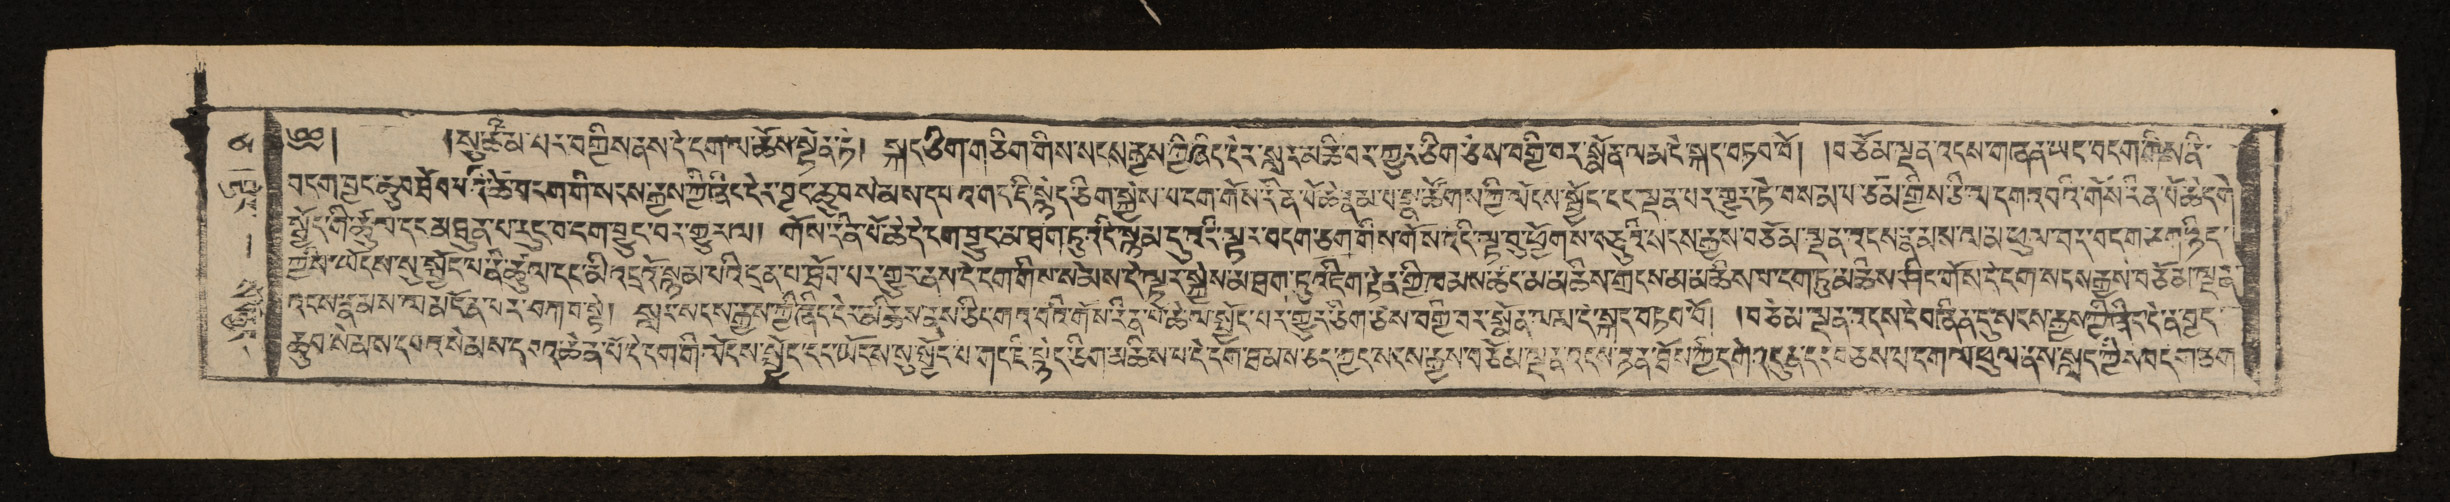༄༅། །སུ་ཚིམ་པར་བགྱིས་ནས་དེ་དག་ལ་ཆོས་སྟོན་ཏེ། སྐད་ཅིག་གཅིག་གིས་སངས་རྒྱས་ཀྱི་ཞིང་དེར་སླར་མཆི་བར་གྱུར་ཅིག་ཅེས་བགྱི་བར་སྨོན་ལམ་དེ་སྐད་བཏབ་བོ། །བཅོམ་ལྡན་འདས་གཞན་ཡང་བདག་གིས་ནི་
བདག་བྱང་ཆུབ་ཐོབ་པའི་ཚེ་བདག་གི་སངས་རྒྱས་ཀྱི་ཞིང་དེར་བྱང་ཆུབ་སེམས་དཔའ་གང་ཇི་སྙེད་ཅིག་སྐྱེས་པ་དག་གོས་རིན་པོ་ཆེ་རྣམ་པ་སྣ་ཚོགས་ཀྱི་ལོངས་སྤྱོད་པ་དང་ལྡན་པར་གྱུར་ཏེ་བསམ་པ་ཙམ་གྱིས་ཅི་ལ་དགའ་བའི་གོས་རིན་པོ་ཆེ་དགེ་
སྦྱོང་གི་ཚུལ་དང་མཐུན་པ་རུང་བ་དག་བྱུང་བར་གྱུར་ལ། གོས་རིན་པོ་ཆེ་དེ་དག་བྱུང་མ་ཐག་ཏུ་འདི་སྙམ་དུ་འདི་ལྟར་བདག་ཅག་གིས་གོས་འདི་ལྟ་བུ་ཕྱོགས་བཅུའི་སངས་རྒྱས་བཅོམ་ལྡན་འདས་རྣམས་ལ་མ་ཕུལ་བར་བདག་ཅག་ཉིད་
ཀྱིས་ཡོངས་སུ་སྤྱོད་པ་ནི་ཚུལ་དང་མི་འདྲའོ་སྙམ་པའི་དྲན་པ་ཐོབ་པར་གྱུར་ནས་དེ་དག་གིས་སེམས་དེ་ལྟར་སྐྱེས་མ་ཐག་ཏུ་འཇིག་རྟེན་གྱི་ཁམས་ཚད་མ་མཆིས་གྲངས་མ་མཆིས་པ་དག་ཏུ་མཆིས་ཤིང་གོས་དེ་དག་སངས་རྒྱས་བཅོམ་ལྡན་
འདས་རྣམས་ལ་མངོན་པར་བཀབ་སྟེ། སླར་སངས་རྒྱས་ཀྱི་ཞིང་དེར་མཆིས་ནས་ཅི་དགའ་བའི་གོས་རིན་པོ་ཆེ་ལ་སྤྱོད་པར་གྱུར་ཅིག་ཅེས་བགྱི་བར་སྨོན་ལམ་དེ་སྐད་བཏབ་པོ། །བཅོམ་ལྡན་འདས་དེ་བཞིན་དུ་སངས་རྒྱས་ཀྱི་ཞིང་དེ་ན་བྱང་
ཆུབ་སེམས་དཔའ་སེམས་དཔའ་ཆེན་པོ་དེ་དག་གི་ལོངས་སྤྱོད་དང་ཡོངས་སུ་སྤྱོད་པ་གང་ཇི་སྙེད་ཅིག་མཆིས་པ་དེ་དག་ཐམས་ཅད་ཀྱང་སངས་རྒྱས་བཅོམ་ལྡན་འདས་ཉན་ཐོས་ཀྱི་དགེ་འདུན་དང་བཅས་པ་དག་ལ་ཕུལ་ནས་སླད་ཀྱིས་བདག་ཅག་